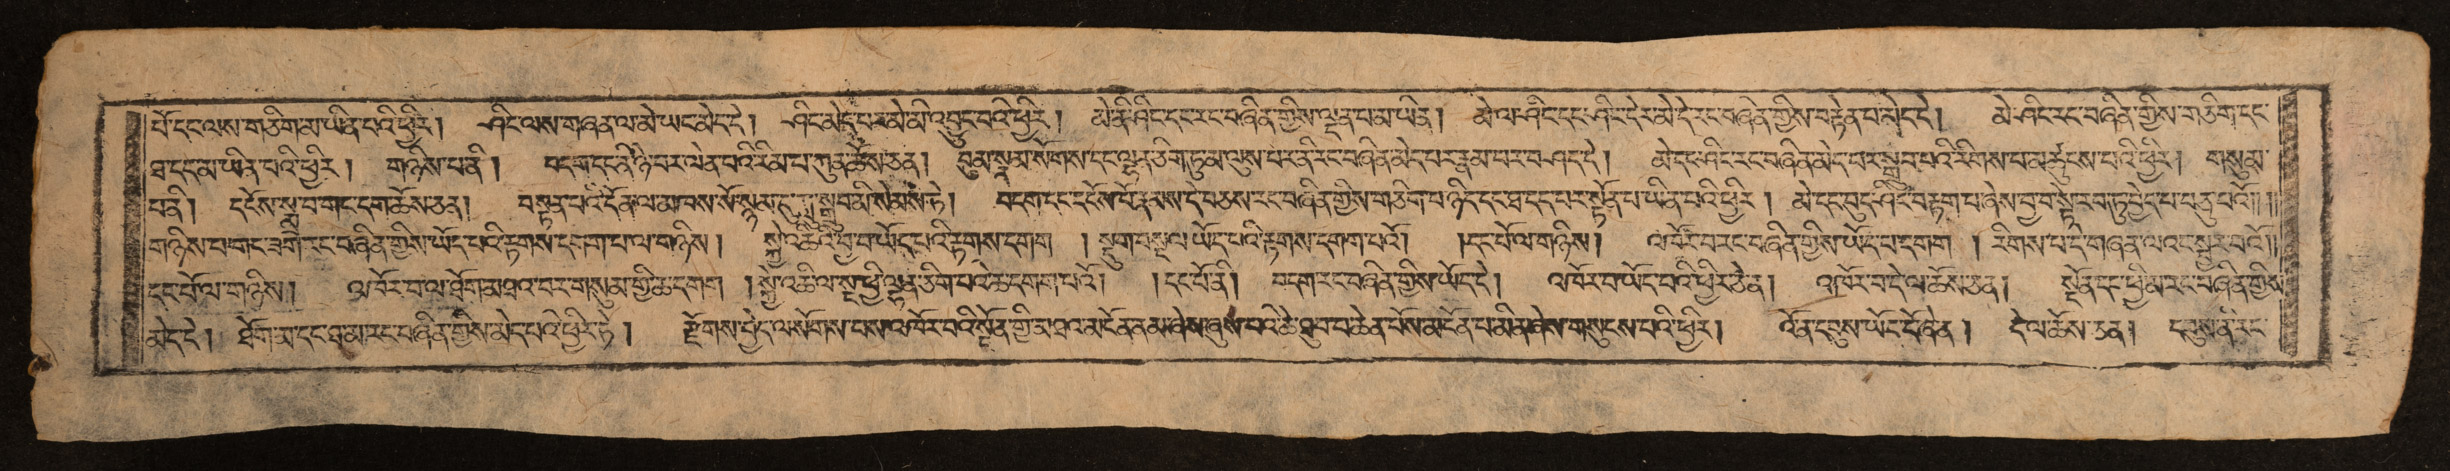བོ་དང་ལས་གཅིག་མ་ཡིན་པའི་ཕྱིར། ཤིང་ལས་གཞན་ལ་མེ་ཡང་མེད་དེ། ཤིང་མེད་བར་མེ་མི་འབྱུང་བའི་ཕྱིར། མེ་ནི་ཤིང་དང་རང་བཞིན་གྱིས་ལྡན་པ་མ་ཡིན། མེ་ལ་ཤིང་དང་ཤིང་དེར་མེ་དེ་རང་བཞིན་གྱིས་བརྟེན་པ་མེད་དེ། མེ་ཤིང་རང་བཞིན་གྱིས་གཅིག་དང་
ཐ་དད་མ་ཡིན་པའི་ཕྱིར། གཉིས་པ་ནི། བདག་དང་ནི་ཉེ་བར་ལེན་པའི་རིམ་པ་ཀུན་ཆོས་ཅན། བུམ་སྣམ་སོགས་དང་ལྷན་ཅིག་ཏུ་མ་ལུས་པར་ནི་རང་བཞིན་མེད་པར་རྣམ་པར་བཤད་དེ། མེ་དང་ཤིང་རང་བཞིན་མེད་པར་སྒྲུབ་པའི་རིགས་པ་མཚུངས་པའི་ཕྱིར། གསུམ་
པ་ནི། དངོས་སྨྲ་བ་གང་དག་ཆོས་ཅན། བསྟན་པའི་དོན་ལ་མཁས་སོ་སྙམ་དུ་ཀླུ་སྒྲུབ་མི་སེམས་ཏེ། བདག་དང་དངོས་པོ་རྣམས་དེ་བཅས་རང་བཞིན་གྱིས་གཅིག་པ་ཉིད་དང་ཐ་དད་པར་སྟོན་པ་ཡིན་པའི་ཕྱིར། མེ་དང་བུད་ཤིང་བརྟག་པ་ཞེས་བྱ་བ་སྟེ་རབ་ཏུ་བྱེད་པ་བཅུ་པའོ།།
གཉིས་པ་གང་ཟག་རང་བཞིན་གྱིས་ཡོད་པའི་རྟགས་དགག་པ་ལ་གཉིས། སྐྱེ་འཆིའི་བྱ་བ་ཡོད་པའི་རྟགས་དགག །སྡུག་བསྔལ་ཡོད་པའི་རྟགས་དགག་པའོ། །དང་པོ་ལ་གཉིས། འཁོར་བ་རང་བཞིན་གྱིས་ཡོད་པ་དགག །རིགས་པ་དེ་གཞན་ལའང་སྦྱར་བའོ།།
ངང་པོ་ལ་གཉིས། འཁོར་བ་ལ་ཐོག་མཐའ་བར་གསུམ་གྱི་ཆ་དགག །སྐྱེ་འཆི་ལ་སྔ་ཕྱི་ལྷན་ཅིག་པའི་ཆ་དགག་པའོ། །དང་པོ་ནི། བདག་རང་བཞིན་གྱིས་ཡོད་དེ། འཁོར་བ་ཡོད་པའི་ཕྱིར་ཅེ་ན། འཁོར་བ་དེ་ལ་ཆོས་ཅན། སྔོན་དང་ཕྱི་མ་རང་བཞིན་གྱིས་
མེད་དེ། ཐོག་མ་དང་ཐ་མ་རང་བཞིན་གྱིས་མེད་པའི་ཕྱིར་ཏེ། རྫོགས་བྱེད་ལ་སོགས་པས་འཁོར་བའི་སྔོན་གྱི་མཐའ་མངོན་ནམ་ཞེས་ཞུས་པའི་ཚེ་ཐུབ་པ་ཆེན་པོས་མངོན་པ་མིན་ཞེས་གསུངས་པའི་ཕྱིར། འོ་ན་དབུས་ཡོད་དོ་ཞེ་ན། དེ་ལ་ཆོས་ཅན། དབུས་ནི་རང་